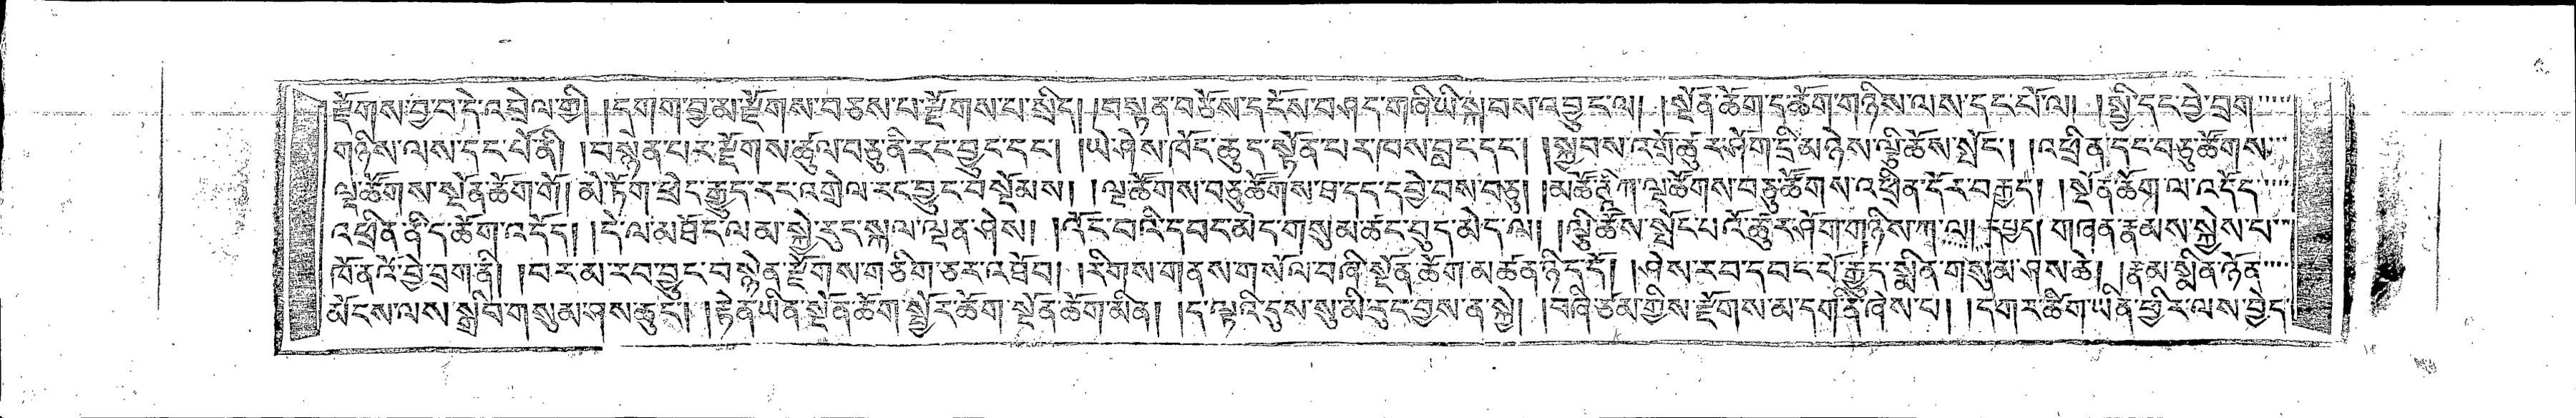རྫོགས་བྱ་བ་དེ་འབྲེལ་གྱི། །དགག་བྱ་མ་རྫོགས་བཅས་པ་རྫོགས་པ་སྲིད། །བསྟན་བཅོས་དངོས་བཤད་གཞི་ཡི་སྐབས་འབྱུང་ལ། །སྔོན་ཆོག་ད་ཆོག་གཉིས་ལས་དང་པོ་ལ། །སྤྱི་དང་བྱེ་བྲག་
གཉིས་ལས་དང་པོ་ནི། །བསྙེན་པར་རྫོགས་ཚུལ་བཅུ་ནི་རང་བྱུང་དང་། །ཡེ་ཤེས་ཁོང་ཆུད་སྟོན་པར་ཁས་བླང་དང་། །སྐྱབས་འགྲོ་ཚུར་ཤོག་དྲི་མཉེས་ལྕི་ཆོས་སྤོང་། །འཕྲིན་དང་བཅུ་ཚོགས་
ལྔ་ཚོགས་སྔོན་ཆོག་གོ །མེ་ཏོག་ཕྲེང་རྒྱུད་རང་འགྲེལ་བྱུང་བསྡོམས། །ལྔ་ཚོགས་བཅུ་ཚོགས་ཐ་དང་དབྱེ་བས་བཅུ། །མཚོ་ཊཱིཀ་ལྔ་ཚོགས་བཅུ་ཚོགས་འཕྲིན་དོར་བརྒྱད། །སྔོན་ཆོག་ལ་འདོད་
འཕྲིན་ནི་ད་ཆོག་འདོད། །དེ་ལ་མཐོང་ལམ་སྐྱེ་རུང་སྐལ་ལྡན་ཤེས། །འོང་པའི་དབང་མེད་གསུམ་ཚང་བུད་མེད་ལ། །ལྕི་ཆོས་སྤོང་པའོ་ཚུར་ཤོག་གཉིས་ཀ་ལ། དཔྱད། གཞན་རྣམས་སྐྱེས་པ་
ཁོ་ནའོ་བྱེ་བྲག་ནི། །བར་མ་རབ་བྱུང་བསྙེན་རྫོགས་གཅིག་ཅར་འཐོབ། །རིགས་གནས་གསོལ་བཞི་སྔོན་ཆོག་མཚན་ཉིད་དོ། །ཤེས་རབ་དབང་པོ་རྒྱུད་སྨིན་གསུམ་ཤས་ཆེ། །རྣམ་སྨིན་ཉོན་
མོངས་ལས་སྒྲིབ་གསུམ་ཤས་ཆུང་། །རྟེན་ཡིན་སྔོན་ཆོག་སྦྱོར་ཆོག་སྔོན་ཆོག་མིན། །ད་ལྟའི་དུས་སུ་མི་རུང་བྱས་ན་སྐྱེ། །བཞི་ཙམ་གྱིས་རྫོགས་མ་དག་ནི་ཞེས་པ། །དགར་ཚིག་ཡིན་ཕྱིར་ལས་བྱེད་